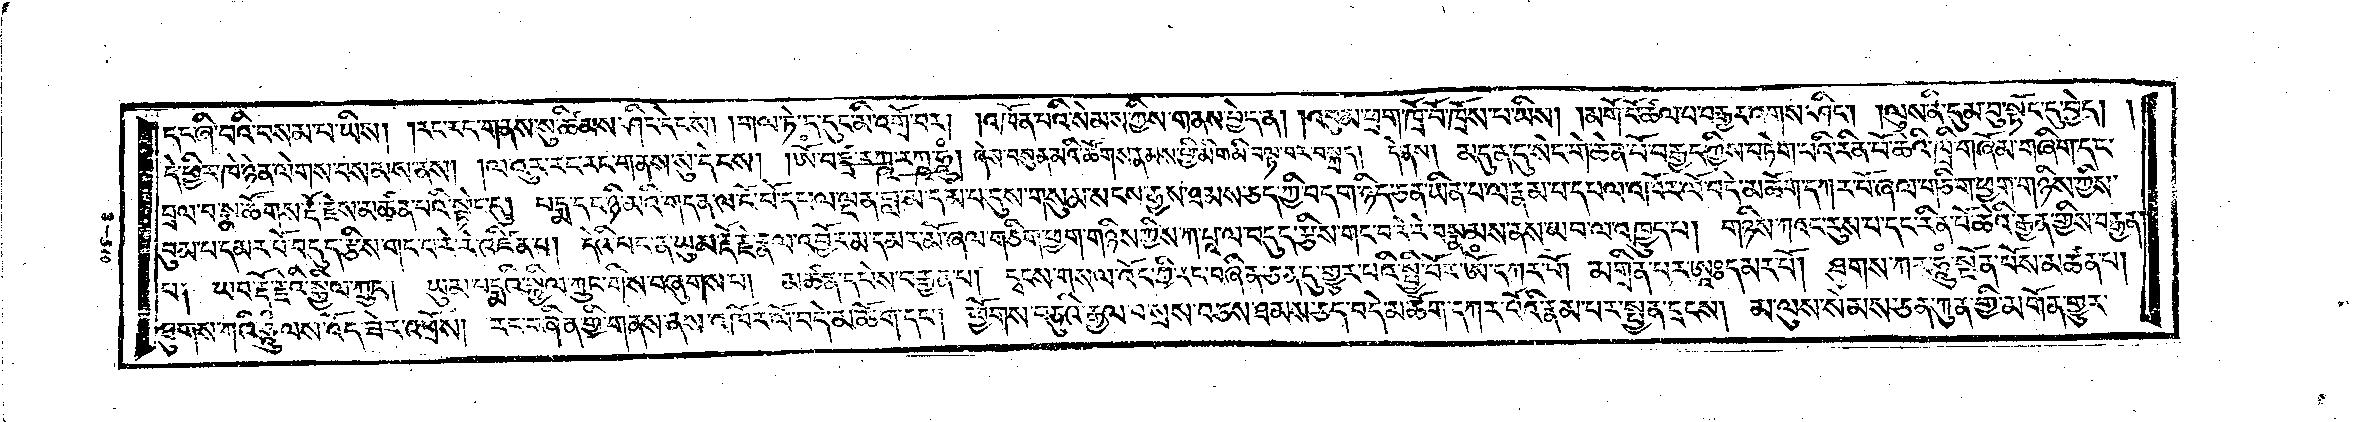དང་ཞི་བའི་བསམ་པ་ཡིས། །རང་རང་གནས་སུ་ཚིམས་ཤིང་དེངས། །གལ་ཏེ་ད་དུང་མི་འགྲོ་བར། །འཁོན་པའི་སེམས་ཀྱིས་གནས་བྱེད་ན། །འབུམ་ཕྲག་ཁྲོ་བོ་ཁྲོས་པ་ཡིས། །མགོ་པོ་ཚལ་བ་བརྒྱར་འགས་ཤིང་། །ལུས་ནི་དུམ་བུ་སྟོང་དུ་བྱེད། །
དེ་ཕྱིར་ཁེ་ཉེན་ལེགས་བསམས་ནས། །ལའུར་རང་རང་གནས་སུ་དེངས། །ཨོཾ་བཛྲ་རཀྵ་རཀྵ་ཧཱུཾ། ཞེས་བསུན་མའི་ཚོགས་རྣམས་ཕྱི་མིག་མི་བལྟ་བར་བསྐྲད། དེ་ནས།  མདུན་དུ་སེང་གེ་ཆེན་པོ་བརྒྱད་ཀྱིས་བཏེག་པའི་རིན་པོ་ཆེའི་ཁྲི་གཞོམ་གཞིག་དང་
བྲལ་བ་སྣ་ཚོགས་རྡོ་རྗེས་མཚན་པའི་སྟེང་དུ། པདམ་དང་ཉི་མའི་གདན་ལ་ངོ་བོ་དཔལ་ལྡན་བླ་མ་དམ་པ་དུས་གསུམ་སངས་རྒྱས་ཐམས་ཅད་ཀྱི་བདག་ཉིད་ཅན་ཡིན་པ་ལ་རྣམ་པ་དཔལ་འཁོར་ལོ་བདེ་མཆོག་དཀར་པོ་ཞལ་གཅིག་ཕྱག་གཉིས་ཀྱིས་
བུམ་པ་དམར་པོ་བདུད་རྩིས་གང་བ་རེ་རེ་འཛིན་པ། དེའི་བང་ན་ཡུམ་རྡོ་རྗེ་རྣལ་འབྱོར་མ་དམར་མོ་ཞལ་གཅིག་ཕྱག་གཉིས་ཀྱིས་ཀ་པཱ་ལ་བདུད་རྩིས་གང་བ་རེ་རེ་བསྣམས་ནས་ཡབ་ལ་འཁྱུད་པ། གཉིས་ཀའང་རུས་པ་དང་རིན་པོ་ཆེའི་རྒྱན་གྱིས་བརྒྱན་
པ༑ ཡབ་རྡོ་རྗེའི་སྐྱིལ་ཀྲུང་། ཡུམ་པདམའི་སྐྱིལ་ཀྲུང་གིས་བཞུགས་པ། མཚན་དཔེས་བརྒྱན་པ། དྭངས་གསལ་འོད་ཀྱི་རང་བཞིན་ཅན་དུ་གྱུར་པའི་སྤྱི་བོར་ཨོཾ་དཀར་པོ། མགྲིན་པར་ཨཱཿདམར་པོ། ཐུགས་ཀར་ཧཱུཾ་སྔོན་པོས་མཚན་པ།
ཐུགས་ཀའི་ཧཱུཾ་ལས་འོད་ཟེར་འཕྲོས། རང་བཞིན་གྱི་གནས་ནས་འཁོར་ལོ་བདེ་མཆོག་དང་། ཕྱོགས་བཅུའི་རྒྱལ་བ་སྲས་བཅས་ཐམས་ཅད་བདེ་མཆོག་དཀར་པོའི་རྣམ་པར་སྤྱན་དྲངས། མ་ལུས་སེམས་ཅན་ཀུན་གྱི་མགོན་གྱུར་